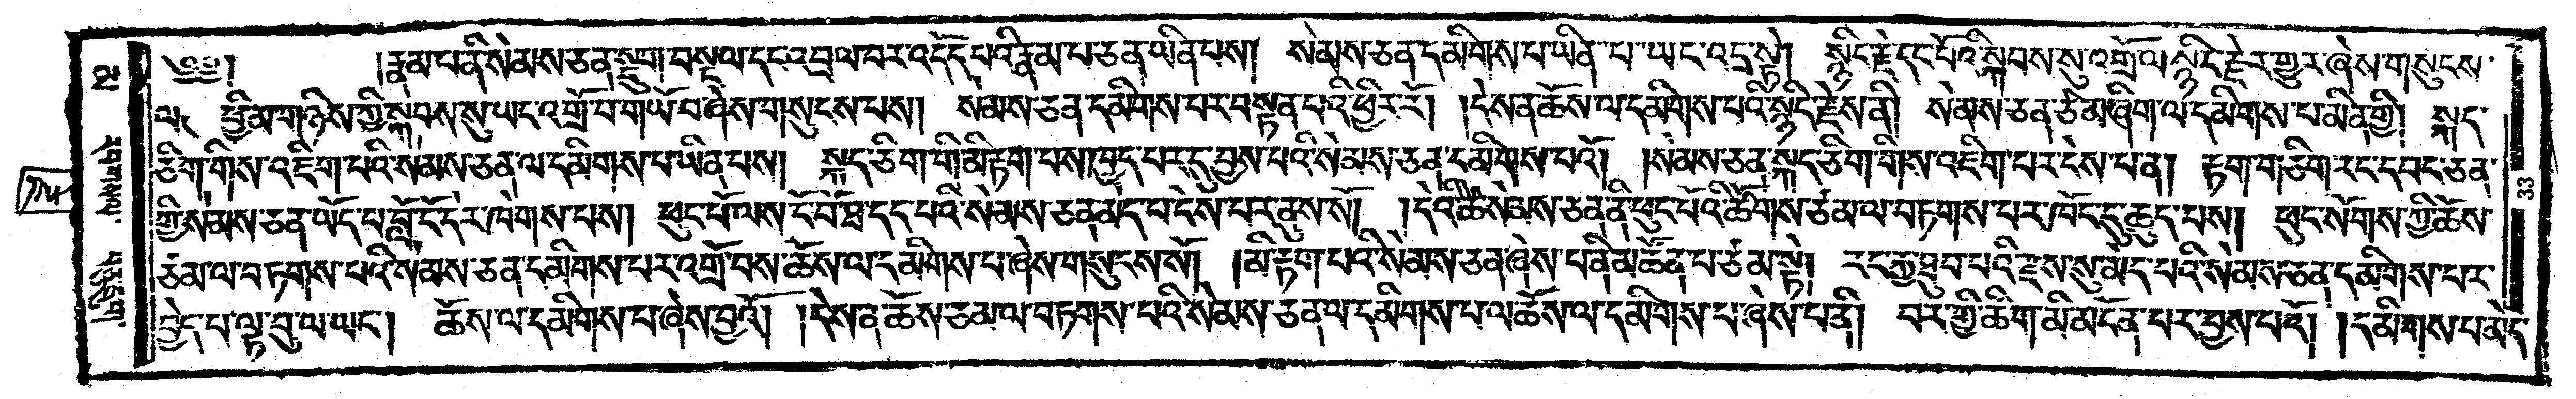༄༅། །རྣམ་པ་ནི་སེམས་ཅན་སྡུག་བསྔལ་དང་འབྲལ་བར་འདོད་པའི་རྣམ་པ་ཅན་ཡིན་པས། སེམས་ཅན་ལ་དམིགས་པ་ཡིན་པ་ཡང་འདྲ་སྟེ། སྙིང་རྗེ་དང་པོའི་སྐབས་སུ་འགྲོ་ལ་སྙིང་རྗེར་གྱུར་ཞེས་གསུངས་
ལ༑ ཕྱི་མ་གཉིས་ཀྱི་སྐབས་སུ་ཡང་འགྲོ་བ་གཡོ་བ་ཞེས་གསུངས་པས། སེམས་ཅན་དམིགས་པར་བསྟན་པའི་ཕྱིར་རོ། །དེས་ན་ཆོས་ལ་དམིགས་པའི་སྙིང་རྗེས་ནི། སེམས་ཅན་ཙམ་ཞིག་ལ་དམིགས་པ་མིན་གྱི། སྐད་
ཅིག་གིས་འཇིག་པའི་སེམས་ཅན་ལ་དམིགས་པ་ཡིན་པས། སྐད་ཅིག་གི་མི་རྟག་པས་ཁྱད་པར་དུ་བྱས་པའི་སེམས་ཅན་དམིགས་པའོ། །སེམས་ཅན་སྐད་ཅིག་གིས་འཇིག་པར་ངེས་པ་ན། རྟག་གཅིག་རང་དབང་ཅན་
གྱི་སེམས་ཅན་ཡོད་པ་བློ་ངོ་དེར་ཁེགས་པས། ཕུང་པོ་ལས་ངོ་བོ་ཐ་དད་པའི་སེམས་ཅན་མེད་པ་ངེས་པར་ནུས་སོ། །དེའི་ཚེ་སེམས་ཅན་ནི་ཕུང་པོའི་ཚོགས་ཙམ་ལ་བཏགས་པར་ཁོང་དུ་ཆུད་པས། ཕུང་སོགས་ཀྱི་ཆོས་
ཙམ་ལ་བཏགས་པའི་སེམས་ཅན་དམིགས་པར་འགྲོ་བས་ཆོས་ལ་དམིགས་པ་ཞེས་གསུངས་སོ། །མི་རྟག་པའི་སེམས་ཅན་ཞེས་པ་ནི་མཚོན་པ་ཙམ་སྟེ། རང་རྐྱ་ཐུབ་པའི་རྫས་སུ་མེད་པའི་སེམས་ཅན་དམིགས་པར་
བྱེད་པ་ལྟ་བུ་ལ་ཡང་། ཆོས་ལ་དམིགས་པ་ཞེས་བྱའོ། །དེས་ན་ཆོས་ཙམ་ལ་བཏགས་པའི་སེམས་ཅན་ལ་དམིགས་པ་ལ་ཆོས་ལ་དམིགས་པ་ཞེས་པ་ནི། བར་གྱི་ཚིག་མི་མངོན་པར་བྱེད་པའོ། །དམིགས་པ་མེད་